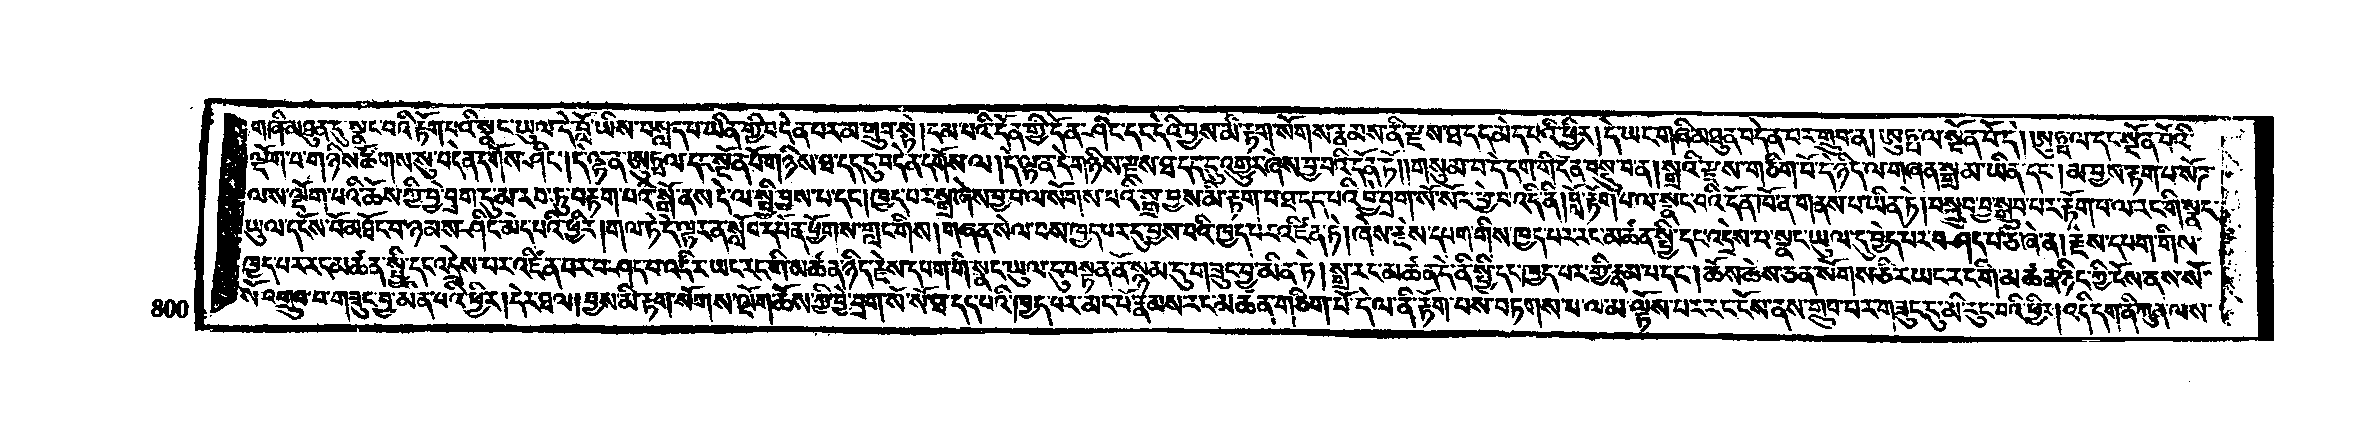གཞི་མཐུན་དུ་སྣང་བའི་རྟོག་པའི་སྣང་ཡུལ་དེ་བློ་ཡིས་བསླད་པ་ཡིན་གྱི་བདེན་པར་མ་གྲུབ་སྟེ། དམ་པའི་དོན་གྱི་དོན་ཤིང་དང་དེའི་བྱས་མི་རྟག་སོགས་རྣམས་ནི་རྫས་ཐ་དད་མེད་པའི་ཕྱིར། དེ་ཡང་གཞི་མཐུན་བདེན་པར་གྲུབ་ན། ཨུཏྤ་ལ་སྔོན་པོ་དེ། ཨུཏྤ་ལ་དང་སྔོན་པོའི་
ལྡོག་པ་གཉིས་ཚོགས་སུ་བདེན་དགོས་ཤིང་། དེ་ལྟ་ན་ཨུཏྤ་ལ་དང་སྔོན་པོ་གཉིས་ཐ་དད་དུ་བདེན་དགོས་ལ། དེ་ལྟ་ན་དེ་གཉིས་རྫས་ཐ་དད་དུ་འགྱུར་ཞེས་བྱ་བའི་དོན་ཏོ། །གསུམ་པ་དེ་དག་གི་དོན་བསྡུ་པ་ན། སྒྲའི་རྫས་གཅིག་པོ་དེ་ཉིད་ལ་གཞན་སྒྲ་མ་ཡིན་དང་། མ་བྱས་རྟག་པ་སོགས་
ལས་ལྡོག་པའི་ཆོས་ཀྱི་བྱེ་བྲག་དུ་མ་རབ་ཏུ་བརྟག་པའི་སྒོ་ནས་དེ་ལ་སྤྱི་བྱས་པ་དང་། ཁྱད་པར་སྒྲ་ཞེས་བྱ་བ་ལ་སོགས་པའི་སྒྲ་བྱས་མི་རྟག་པ་ཐ་དད་པའི་བྱེ་བྲག་སོ་སོར་ཕྱེ་བ་འདི་ནི། བློ་རྟོག་པ་ལ་སྣང་བའི་དོན་ཁོ་ན་གནས་པ་ཡིན་ཏེ། བསྒྲུབ་བྱ་བསྒྲུབ་པར་རྟོག་པ་ལ་རང་གི་སྣང་
ཡུལ་དངོས་པོ་མཐོང་བ་ཉམས་ཤིང་མེད་པའི་ཕྱིར། གལ་ཏེ་དེ་ལྟར་ན་སློབ་དཔོན་ཕྱོགས་གླང་གིས། གཞན་སེལ་བས་ཁྱད་པར་དུ་བྱས་པའི་ཁྱད་པར་འཛིན་ཏེ། ཞེས་རྗེས་དཔག་གིས་ཁྱད་པར་རང་མཚན་སྤྱི་དང་འདྲེས་པ་སྣང་ཡུལ་དུ་བྱེད་པར་བཤད་པ་ཅི་ཞེ་ན། རྗེས་དཔག་གིས་
ཁྱད་པར་རང་མཚན་སྤྱི་དང་འདྲེས་པར་འཛིན་པར་བཤད་པ་འདིར་ཡང་རང་གི་མཚན་ཉིད་རྗེས་དཔག་གི་སྣང་ཡུལ་དུ་བསྟན་ནོ་སྙམ་དུ་གཟུང་བྱ་མིན་ཏེ། སྒྲ་རང་མཚན་དེ་ནི་སྤྱི་དང་ཁྱད་པར་གྱི་རྣམ་པ་དང་། ཆོས་ཆོས་ཅན་སོགས་ཅིར་ཡང་རང་གི་མཚན་ཉིད་ཀྱི་ངོས་ནས་སོ་
སོ་འགྲུབ་པ་གཟུང་བྱ་མིན་པའི་ཕྱིར། དེར་ཐལ། བྱས་མི་རྟག་སོགས་ལྡོག་ཆོས་ཀྱི་བྱེ་བྲག་སོ་སོ་ཐ་དད་པའི་ཁྱད་པར་མང་པོ་རྣམས་རང་མཚན་གཅིག་པོ་དེ་ལ་ནི་རྟོག་པས་བཏགས་པ་ལ་མ་ལྟོས་པར་རང་ངོས་ནས་གྲུབ་པར་གཟུང་དུ་མི་རུང་བའི་ཕྱིར། འདི་དག་ནི་ཀུན་ལས་